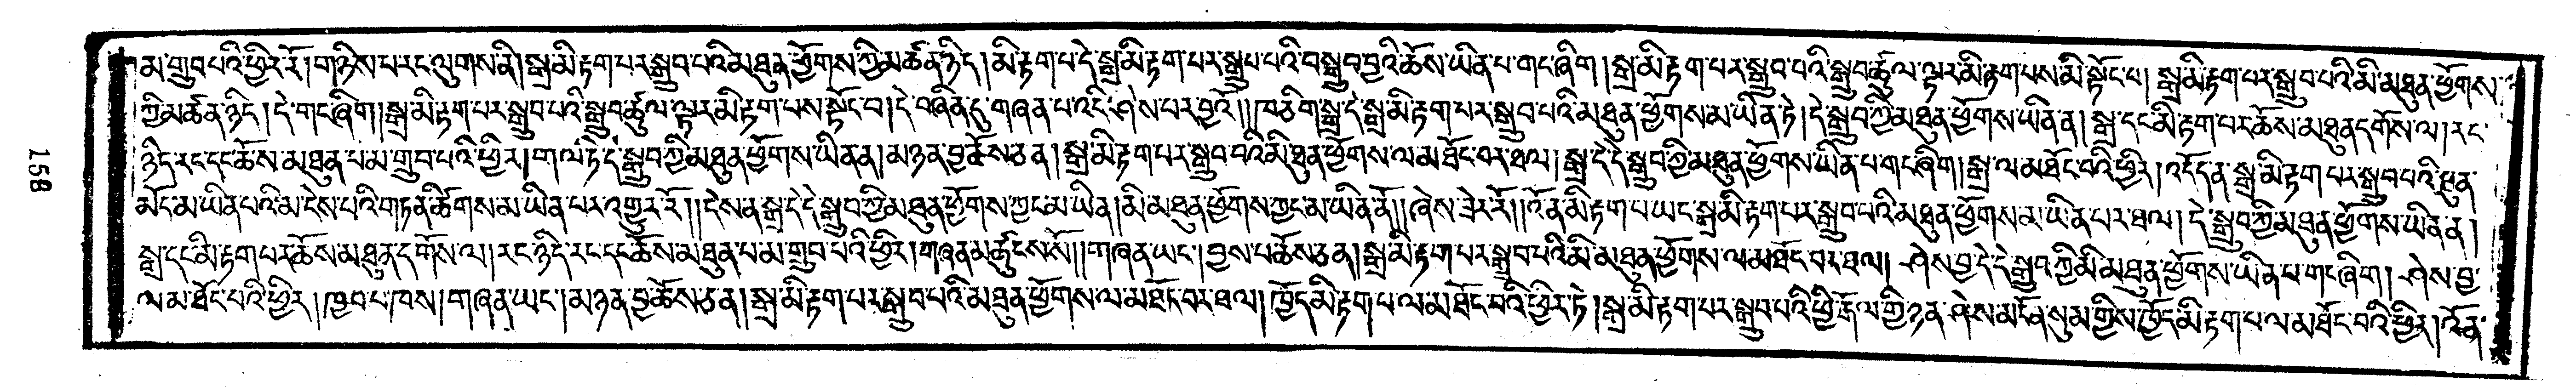མ་གྲུབ་པའི་ཕྱིར་རོ། །གཉིས་པ་རང་ལུགས་ནི། སྒྲ་མི་རྟག་པར་སྒྲུབ་པའི་མཐུན་ཕྱོགས་ཀྱི་མཚན་ཉིད། མི་རྟག་པ་དེ་སྒྲ་མི་རྟག་པར་སྒྲུབ་པའི་བསྒྲུབ་བྱའི་ཆོས་ཡིན་པ་གང་ཞིག །སྒྲ་མི་རྟག་པར་སྒྲུབ་པའི་སྒྲུབ་ཚུལ་ལྟར་མི་རྟག་པས་མི་སྟོང་བ། སྒྲ་མི་རྟག་པར་སྒྲུབ་པའི་མི་མཐུན་ཕྱོགས་
ཀྱི་མཚན་ཉིད། དེ་གང་ཞིག །སྒྲ་མི་རྟག་པར་སྒྲུབ་པའི་སྒྲུབ་ཚུལ་ལྟར་མི་རྟག་པས་སྟོང་བ། དེ་བཞིན་དུ་གཞན་ལའང་ཤེས་པར་བྱའོ། །ཁ་ཅིག་སྒྲ་དེ་སྒྲ་མི་རྟག་པར་སྒྲུབ་པའི་མཐུན་ཕྱོགས་མ་ཡིན་ཏེ། དེ་སྒྲུབ་ཀྱི་མཐུན་ཕྱོགས་ཡིན་ན། སྒྲ་དང་མི་རྟག་པར་ཆོས་མཐུན་དགོས་ལ། རང་
ཉིད་རང་དང་ཆོས་མཐུན་པ་མ་གྲུབ་པའི་ཕྱིར། གལ་ཏེ་དེ་སྒྲུབ་ཀྱི་མཐུན་ཕྱོགས་ཡིན་ན། མཉན་བྱ་ཆོས་ཅན། སྒྲ་མི་རྟག་པར་སྒྲུབ་པའི་མཐུན་ཕྱོགས་ལ་མཐོང་བར་ཐལ། སྒྲ་དེ་དེ་སྒྲུབ་ཀྱི་མཐུན་ཕྱོགས་ཡིན་པ་གང་ཞིག །སྒྲ་ལ་མཐོང་བའི་ཕྱིར། འདོད་ན། སྒྲ་མི་རྟག་པར་སྒྲུབ་པའི་ཐུན་
མོང་མ་ཡིན་པའི་མ་ངེས་པའི་གཏན་ཚིགས་མ་ཡིན་པར་འགྱུར་རོ། །དེས་ན་སྒྲ་དེ་དེ་སྒྲུབ་ཀྱི་མཐུན་ཕྱོགས་ཀྱང་མ་ཡིན། མི་མཐུན་ཕྱོགས་ཀྱང་མ་ཡིན་ནོ། །ཞེས་ཟེར་རོ། །འོ་ན་མི་རྟག་པ་ཡང་སྒྲ་མི་རྟག་པར་སྒྲུབ་པའི་མཐུན་ཕྱོགས་མ་ཡིན་པར་ཐལ། དེ་སྒྲུབ་ཀྱི་མཐུན་ཕྱོགས་ཡིན་ན།
སྒྲ་དང་མི་རྟག་པར་ཆོས་མཐུན་དགོས་ལ། རང་ཉིད་རང་དང་ཆོས་མཐུན་པ་མ་གྲུབ་པའི་ཕྱིར། ཞེས་མཚུངས་སོ། །གཞན་ཡང་། བྱས་པ་ཆོས་ཅན། སྒྲ་མི་རྟག་པར་སྒྲུབ་པའི་མི་མཐུན་ཕྱོགས་ལ་མཐོང་བར་ཐལ། ཤེས་བྱ་དེ་དེ་སྒྲུབ་ཀྱི་མི་མཐུན་ཕྱོགས་ཡིན་པ་གང་ཞིག །ཤེས་བྱ་
ལ་མཐོང་བའི་ཕྱིར། ཁྱབ་པ་ཁས། གཞན་ཡང་། མཉན་བྱ་ཆོས་ཅན། སྒྲ་མི་རྟག་པར་སྒྲུབ་པའི་མཐུན་ཕྱོགས་ལ་མཐོང་བར་ཐལ། ཁྱོད་མི་རྟག་པ་ལ་མཐོང་བའི་ཕྱིར་ཏེ། སྒྲ་མི་རྟག་པར་སྒྲུབ་པའི་ཕྱི་རྒོལ་གྱི་ཉན་ཤེས་མངོན་སུམ་གྱིས་ཁྱོད་མི་རྟག་པ་ལ་མཐོང་བའི་ཕྱིར། འོ་ན་